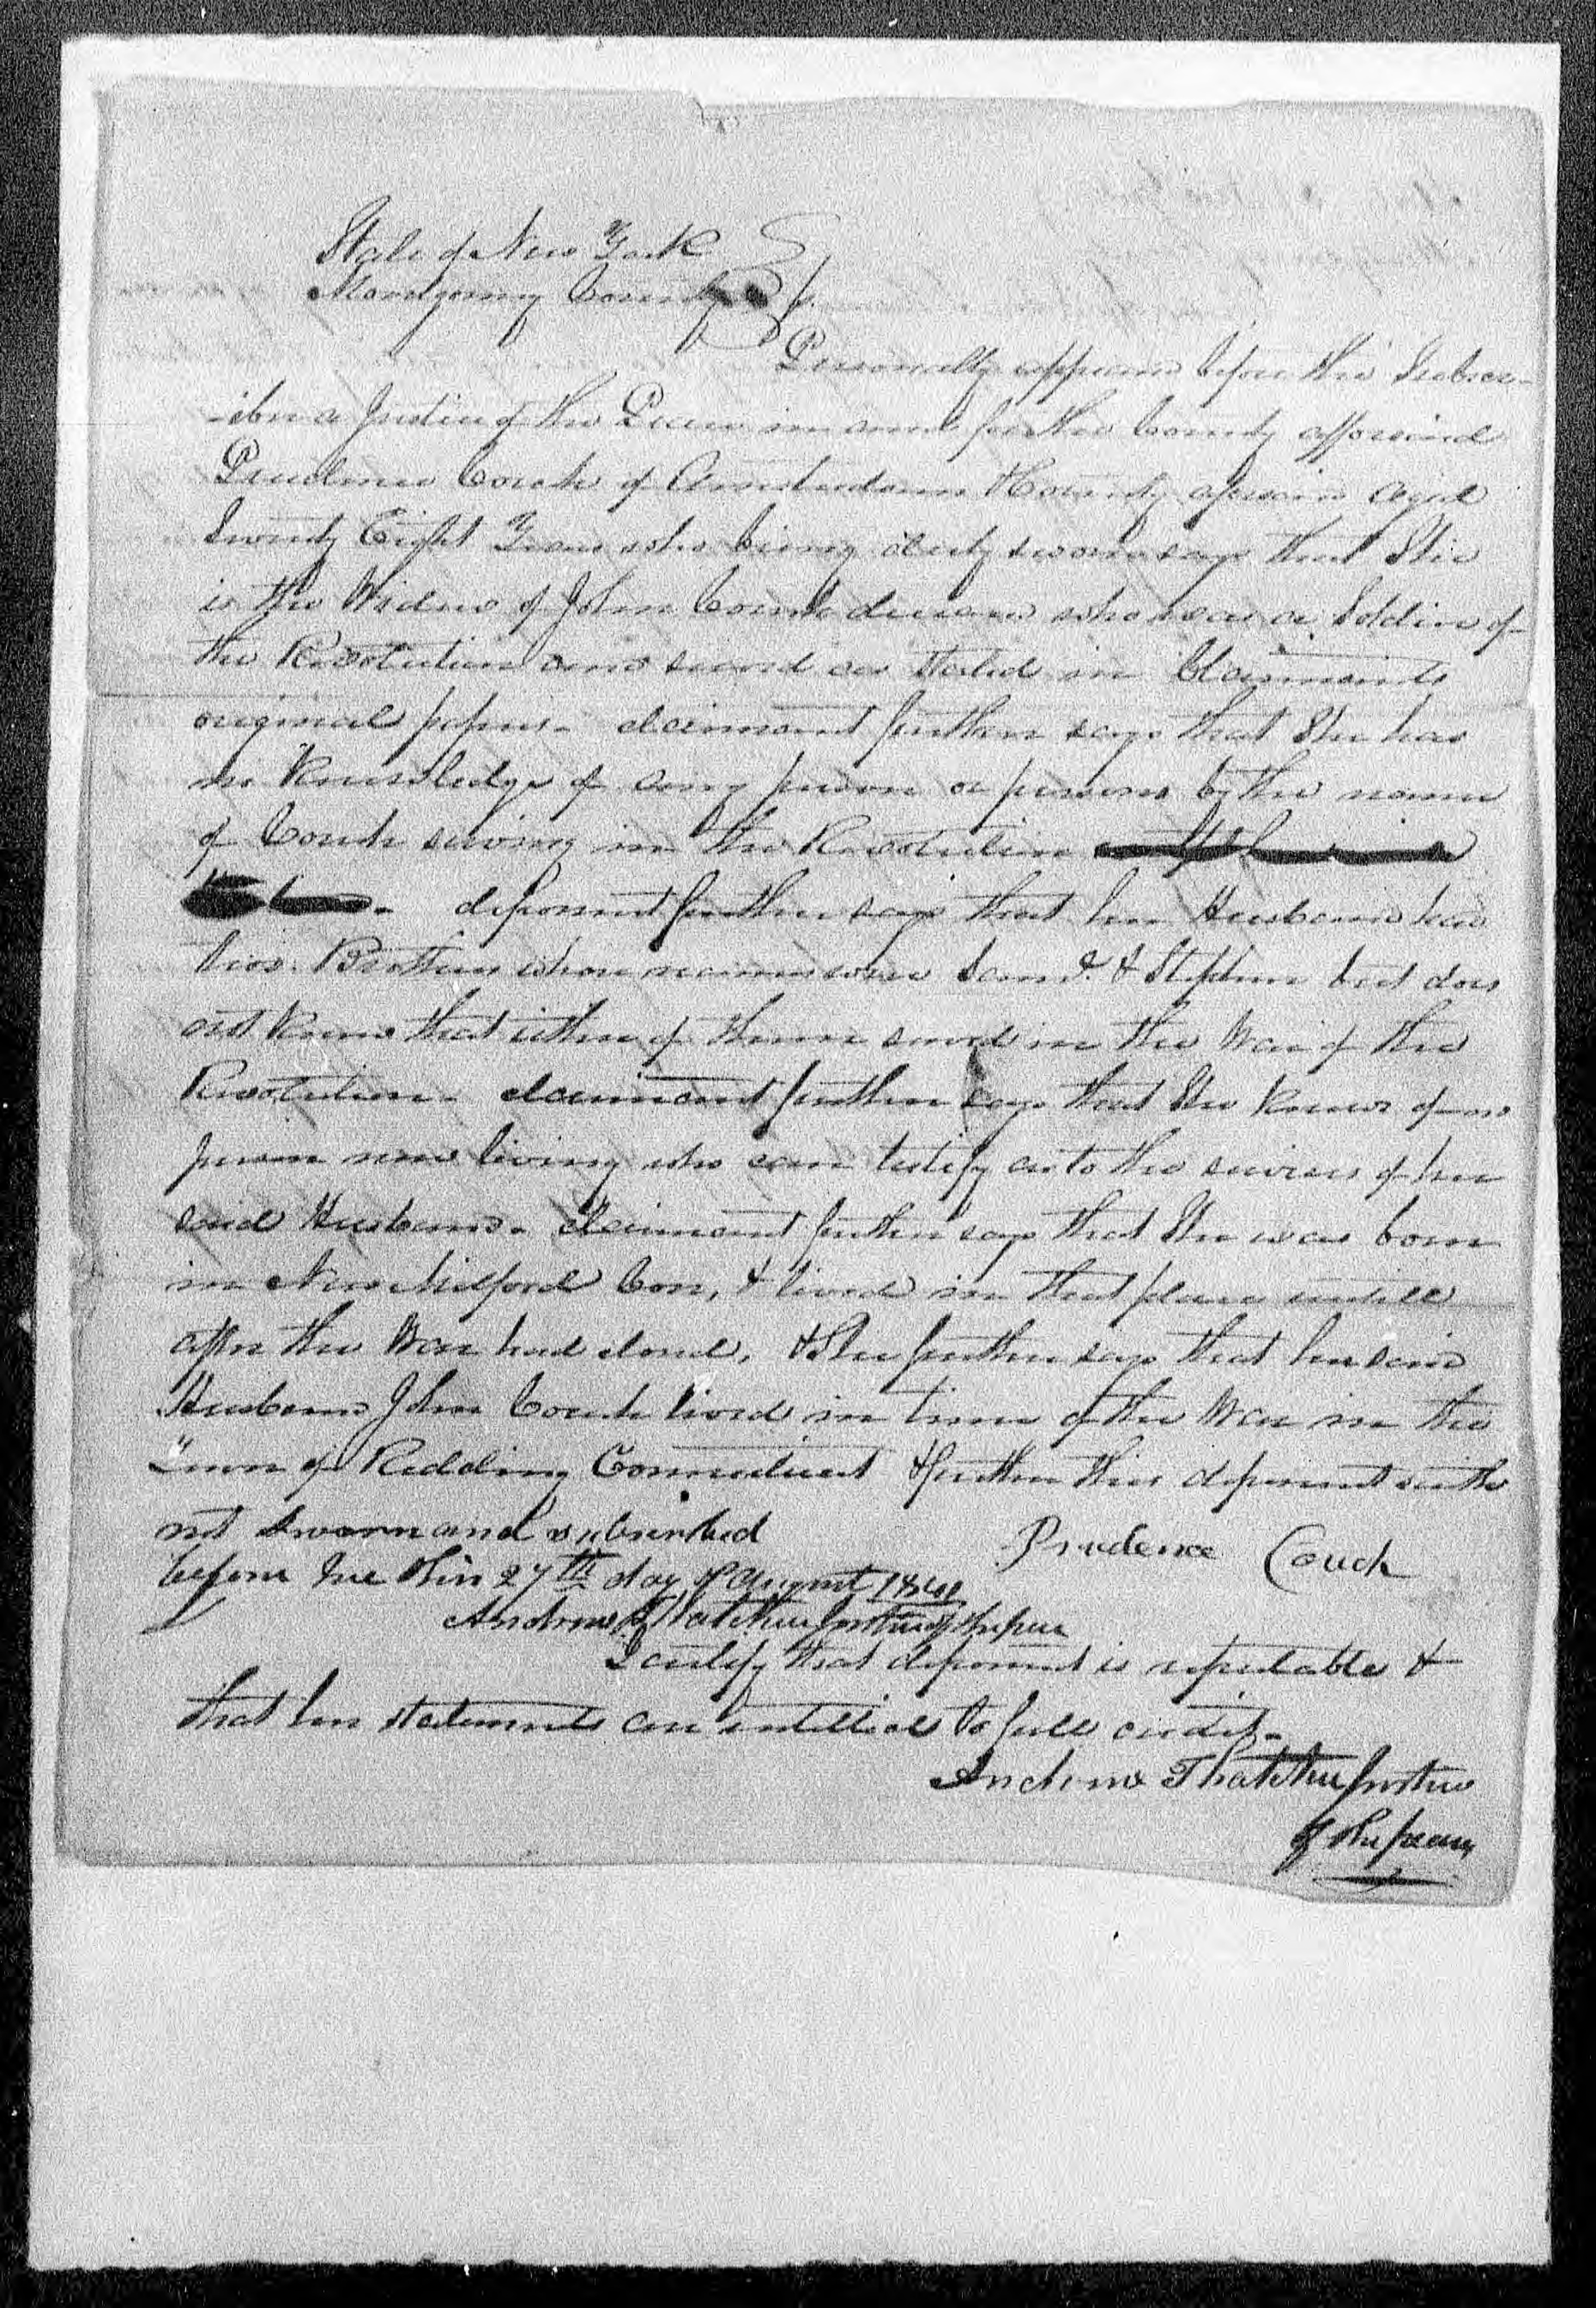State of New York
Montgomergy County } Ss

Personally appeared before this Subscriber a Justice of the Peace in and for the County of aforesaid Prudence Couch of Amsterdam & County aforesaid aged Seventy Eight years who being duly sworn says that she is the Widow of John couch deceased who was a Soldier of the Revolution and served as stated in Claimants original papers. Claimant further says the she has no knowledge of any person or persons by the names of Couch serving in the Revolution. Deponent further says that  her husband had ? Brothers whose names were Sam'l & Stephen but does not know that either of them served in the War of the Revolution. Claimaint further says that she knows of no person now living who can testify as to the services of her said Husband. Claimant further says the she was born in New Milford Conn. & lived in that place until after the War had closed & she further says that her said Husband John Couch lived in time of the War in the Town of Redding Connecticut & more this deponent saith not.
Prudence Couch
Sworn and subscribed before me this 27th day of August 1841 Andrew Thatcher Justice of the Peace
I certify that deponent is reputable & that her statesments are entitled to full credit.
Andrew Thatcher Justice of the Peace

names: Prudence Couch, Prudence Couch, Couch, Saml, Andrew Thatcher, Stephen, Andrew Thatcher, John Couch, John Couch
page: 65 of 68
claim: rejected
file: R. 2,360, John Couch, Conn.